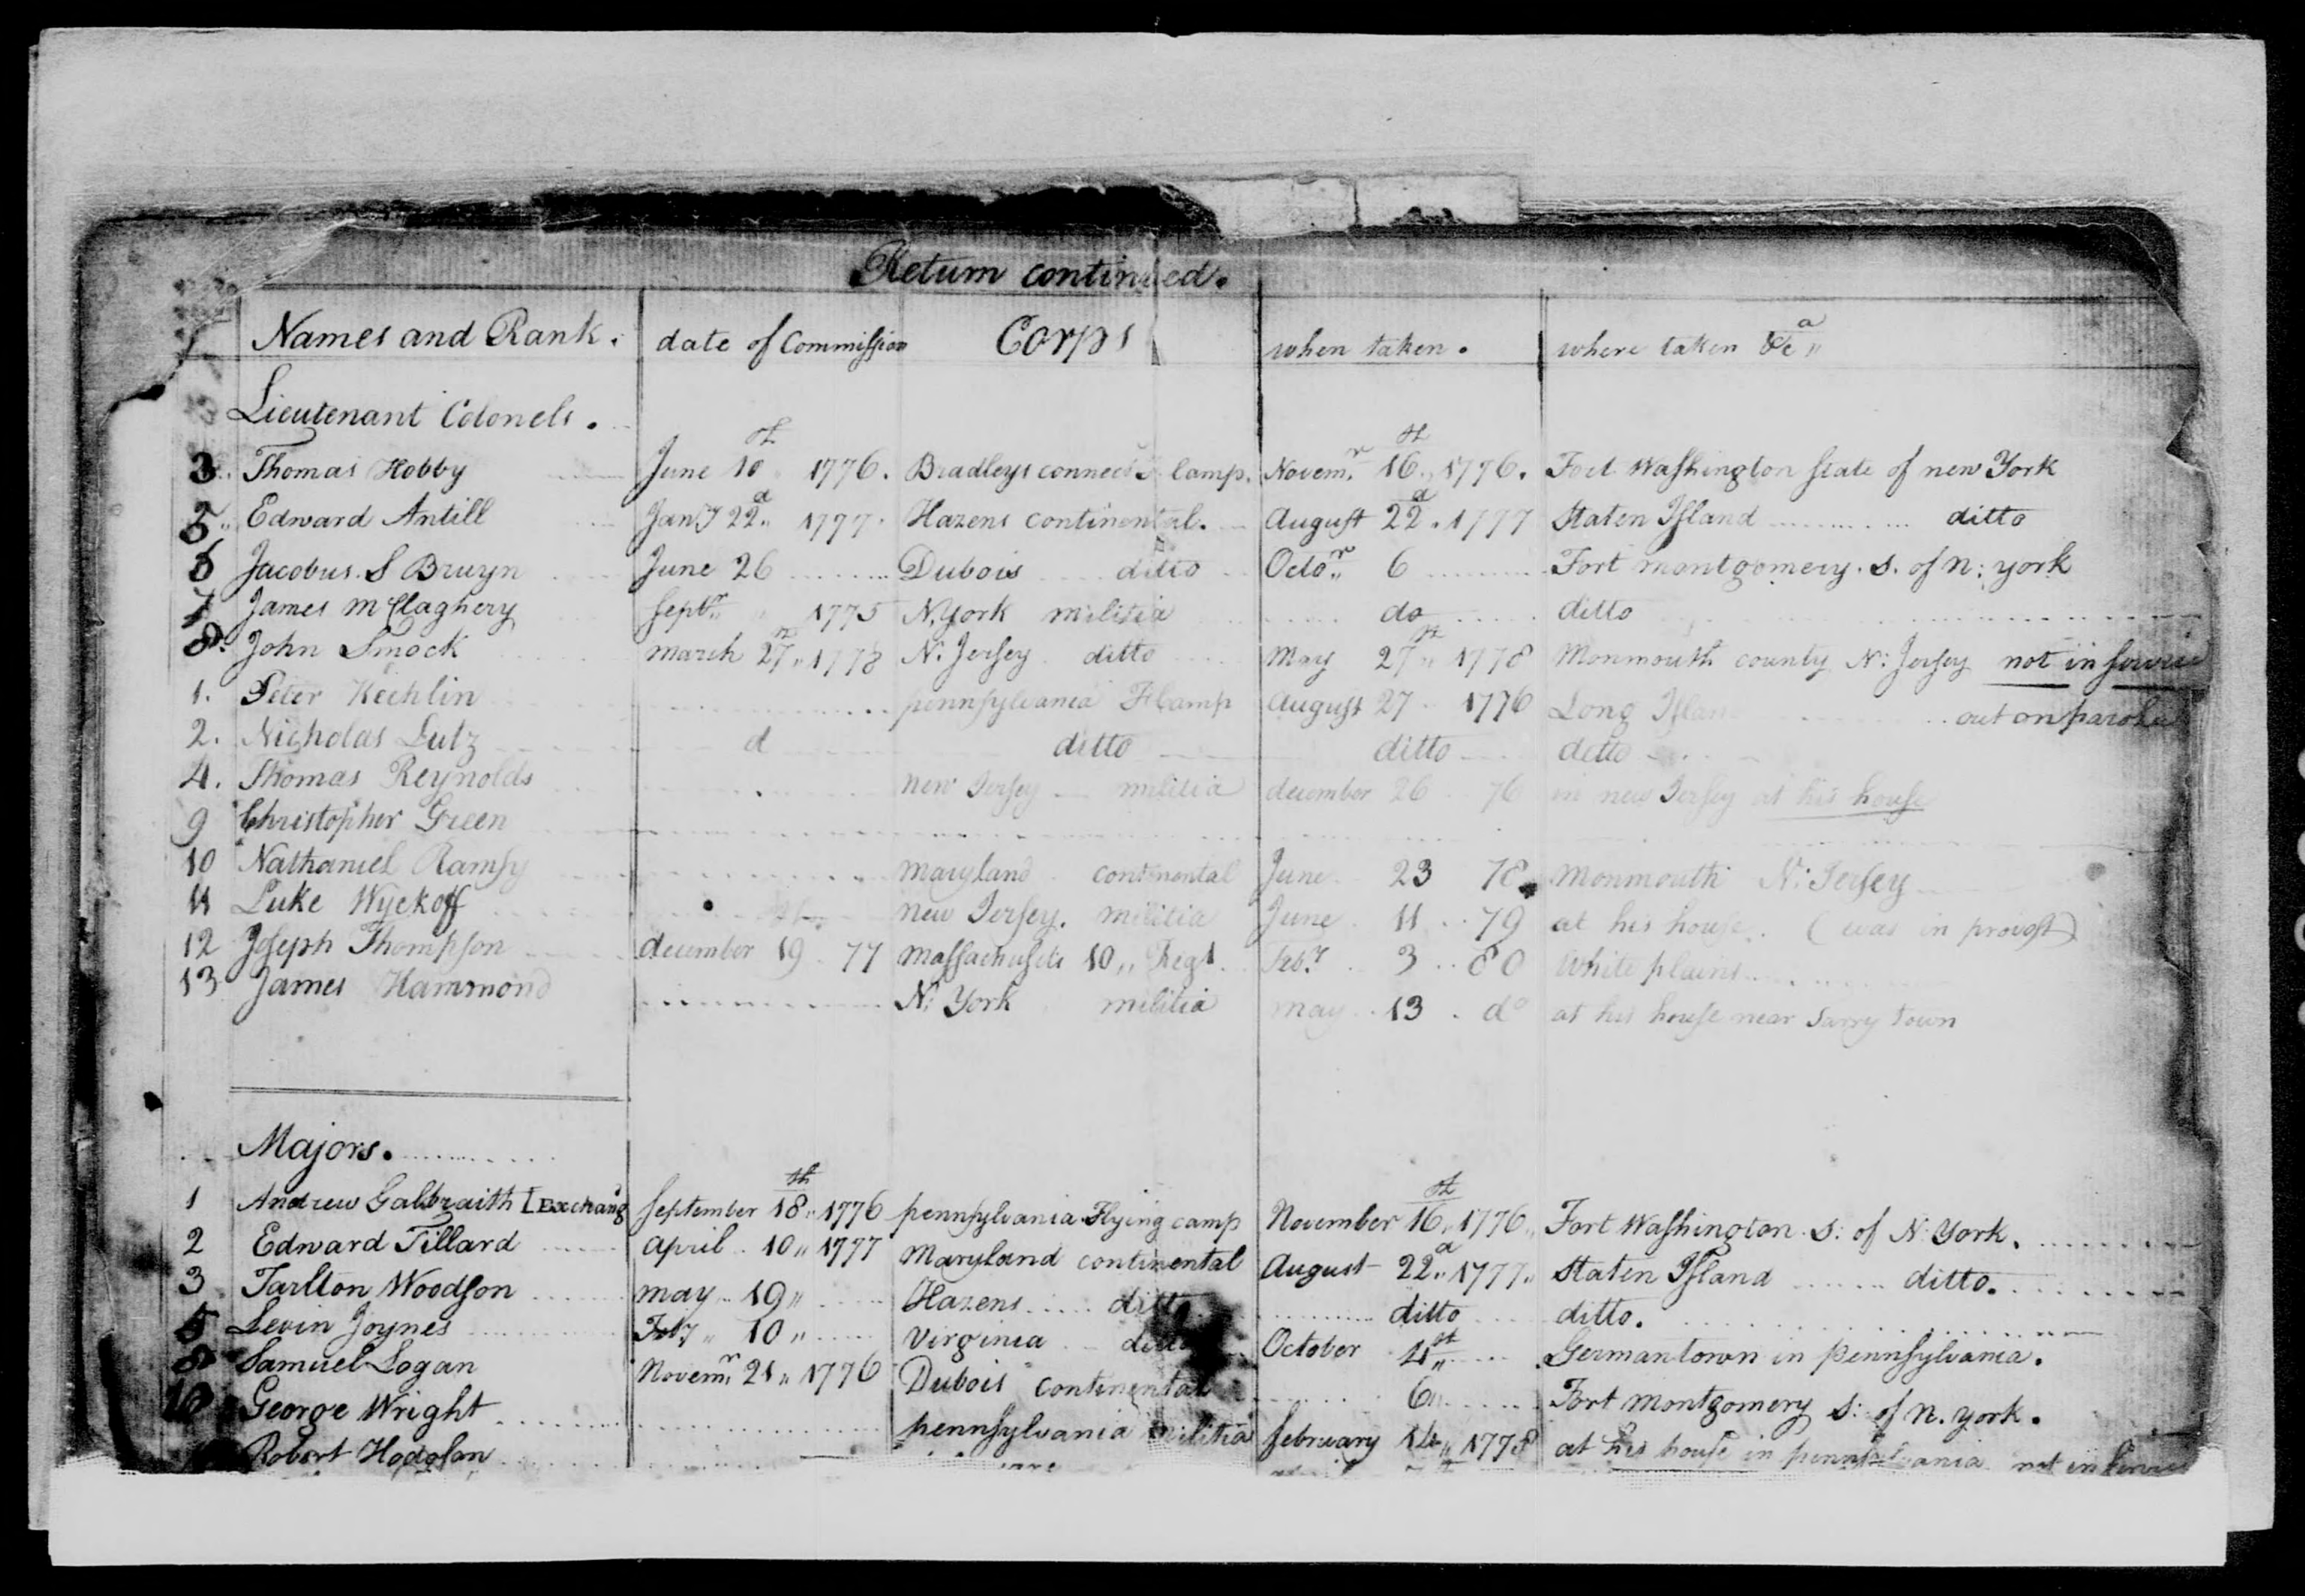Return continued. 
[column headings] [No implied] Names and Rank. date of Commission. Corps. when taken. where taken Pra. 

Lieutenant Colonels. 
3 / Thomas Hobby / June 10th, 1776 / Bradleys connect F. Camp / Novemr. 16th, 1776 / Fort Washington State of new York 
5 / Edward Antill / Jany 22d, 1777 / Hazens continental / August 22d, 1777 / Staten Island.....ditto
6 / Jacobus S Bruyn / June 26 ...... / Dubois ....ditto.. / Octor. 6 ..... / Fort Montgomery S. of n: york
7 / James M Claghery / Sept 1775 / N. York militia / .... ds .... / ditto 
8 / John Smock / March 27th, 1778 / N. Jersey ditto..... / May 27th 1778 / Monmouth county N. Jersey  not in services
1 / Peter Keihlin / ...... / pennsylvania F Camp / August 27 1776 / Long Island .... out on parole
2 / Nicholas Lutz / ...d... / ...ditto... / ...ditto... / ditto....
4 / Thomas Reynolds / ..... / New Jersey...militia / december 26, 76 / in new Jersey at his house
9 / Christopher Green / ..... / ..... / ..... / ..... / .....
10 / Nathaniel Ramsy / ..... / Maryland continental / June 23..78 / Monmouth N. Jersey
11 / Luke Wyckoff / ..... / New Jersey militia / June 11..79 / at his house (was in provost)
12 / Joseph Thompson / december 19.77 / Massachusits 10..Regt / Feby 3..80 / white plaint [illegible]
13 / James Hammond / ..... / N. York militia / May 13. do / at his house near Tarry town
---------------
Majors.
1 / Andrew Galbraith (Exchang / September 18th, 1776 / pennsylvania Flying camp / November 16th, 1776 / Fort Washington S. of N: York
2 / Edward Tillard / April 10, 1777 / Maryland continental / August 22d, 1777 / Staten Island...ditto..
3 / Tarlton Woodson / Mary 19.... / Hazens..ditto.. / ...ditto.../ ditto..
6 / Levin Joynes / Feby 10 ... / Virginia ..ditto.. / October 4th... / Germantown in pennsylvania.
8 / Samuel Logan / Novemr. 21, 1776 / Dubois continental / ...6 ... / Fort Montgomery S: of N. York. 
10 / George Wright / ..... / pennsylvania militia / February 14, 1778 / at his house in pennsylvania not in service
[no illegible] / Robert Hodgson [the remainder of this line is cutoff]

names: Joseph Thompson, John Smock, Edward Antill, Robert Hodgson, Thomas Hobby, Edward Tillard, Luke Wyckoff, Nathaniel Ramsy, Thomas Reynolds, Jacobus S Bruyn, James Mc Claghery, Samuel Logan, Nicholas Lutz, Tarlton Woodson, Levin Joynes, Peter Keihlin, Andrew Galbraith, George Wright, James Hammond, Christopher Green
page: 19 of 57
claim: survivor's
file: S. 2161, Hezekiah Davies, Penn